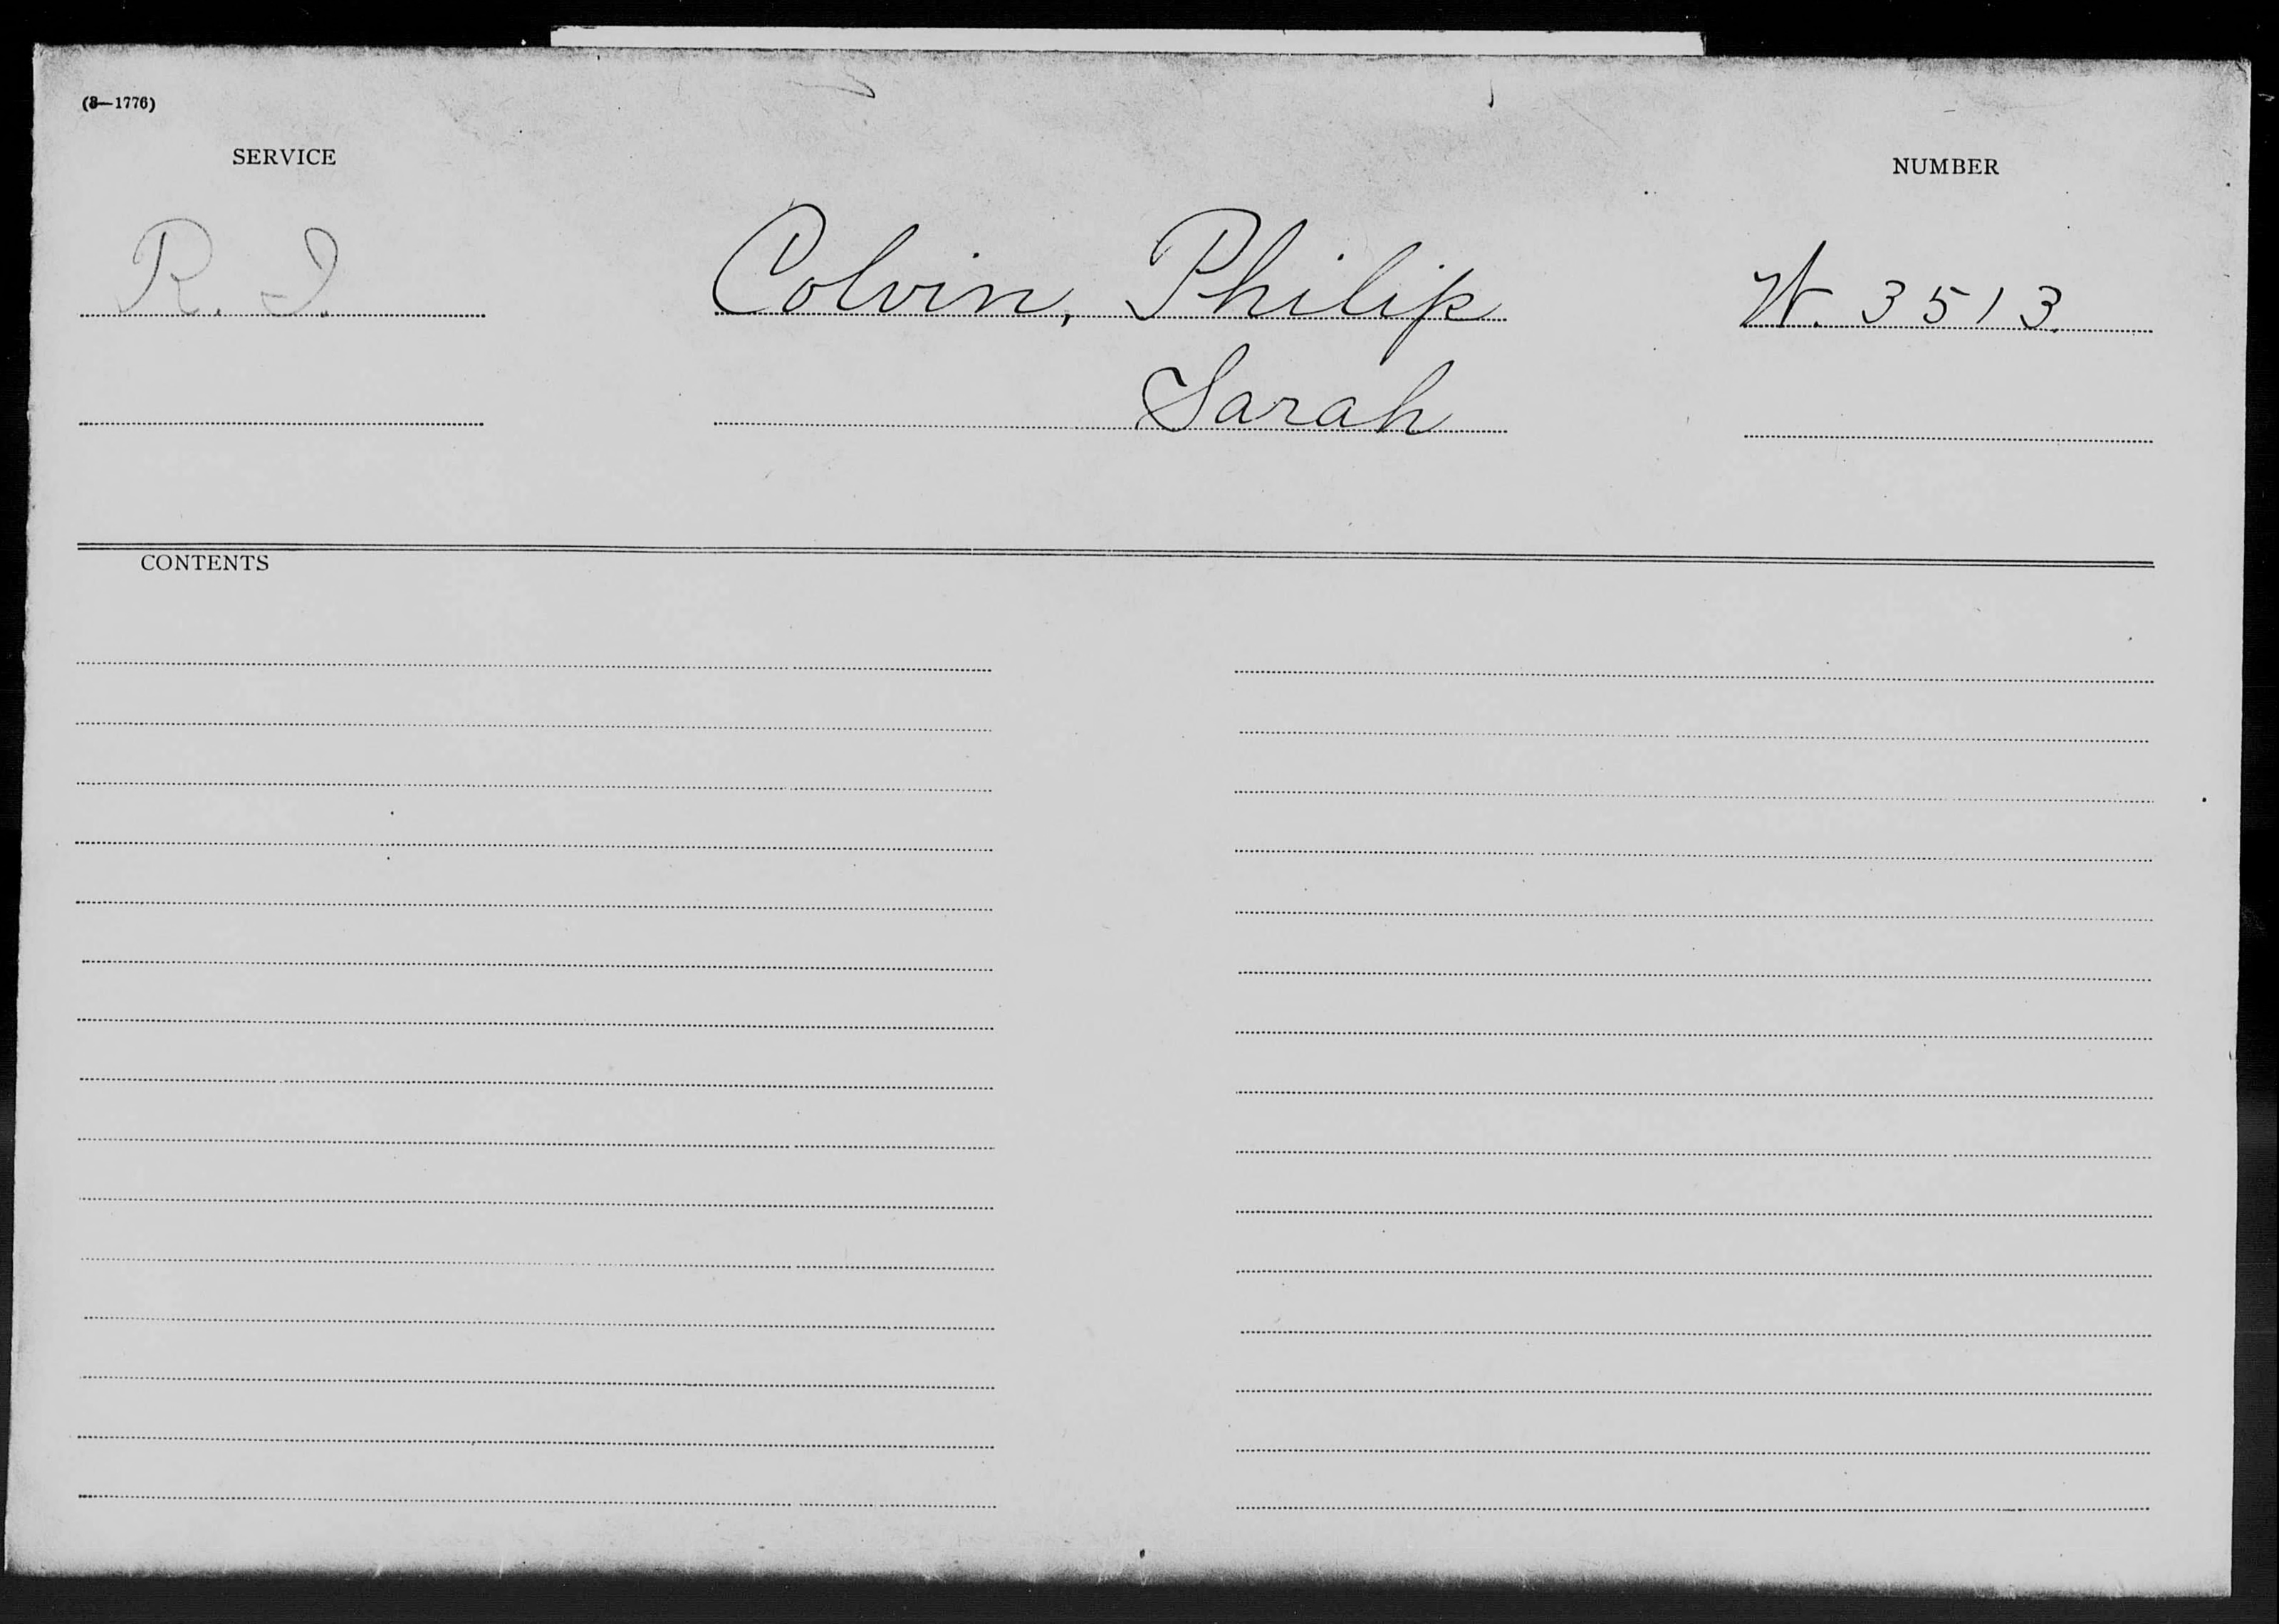Service R.I.
Colvin, Philip
Sarah
Number W. 3513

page: 1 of 41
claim: widow's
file: W. 3513, Philip Colvin, R.I.